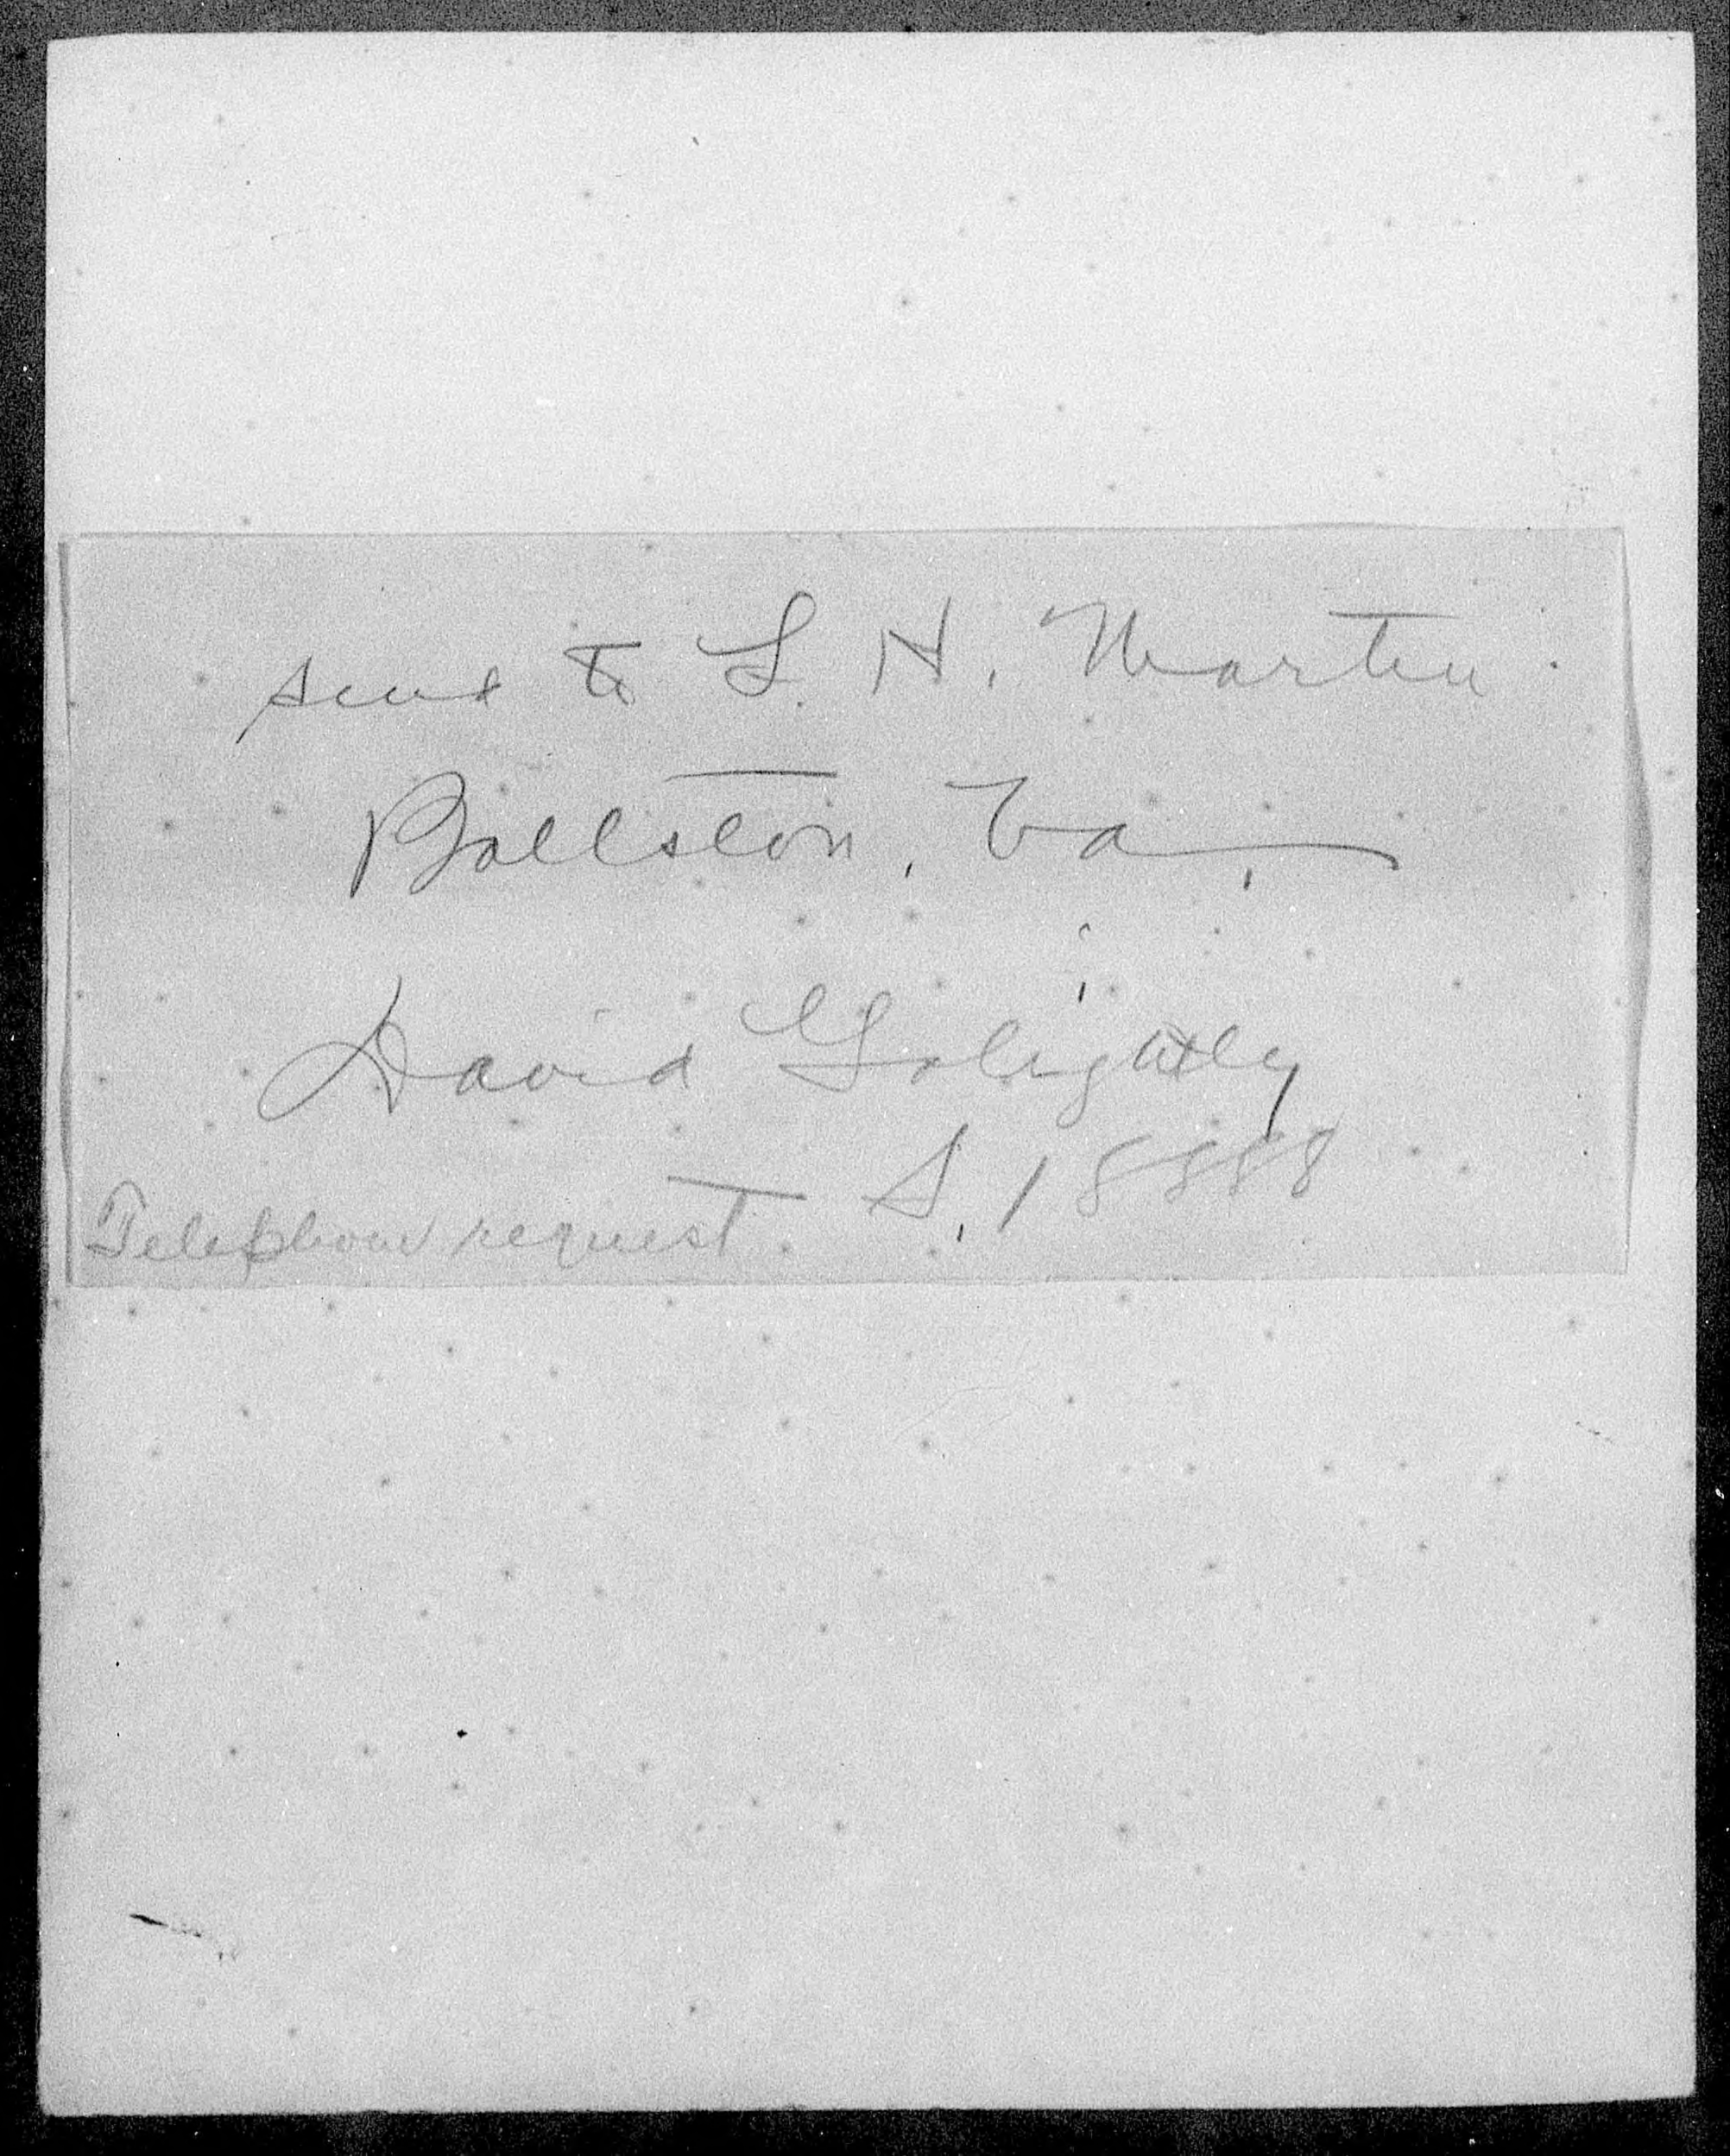Sent to L.H. Martin
Ballston, Va.
David Golightly
Telephone request
S.18888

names: David Golightly, L H Martin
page: 12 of 57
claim: survivor's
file: S. 18888, David Golightly, S.C.